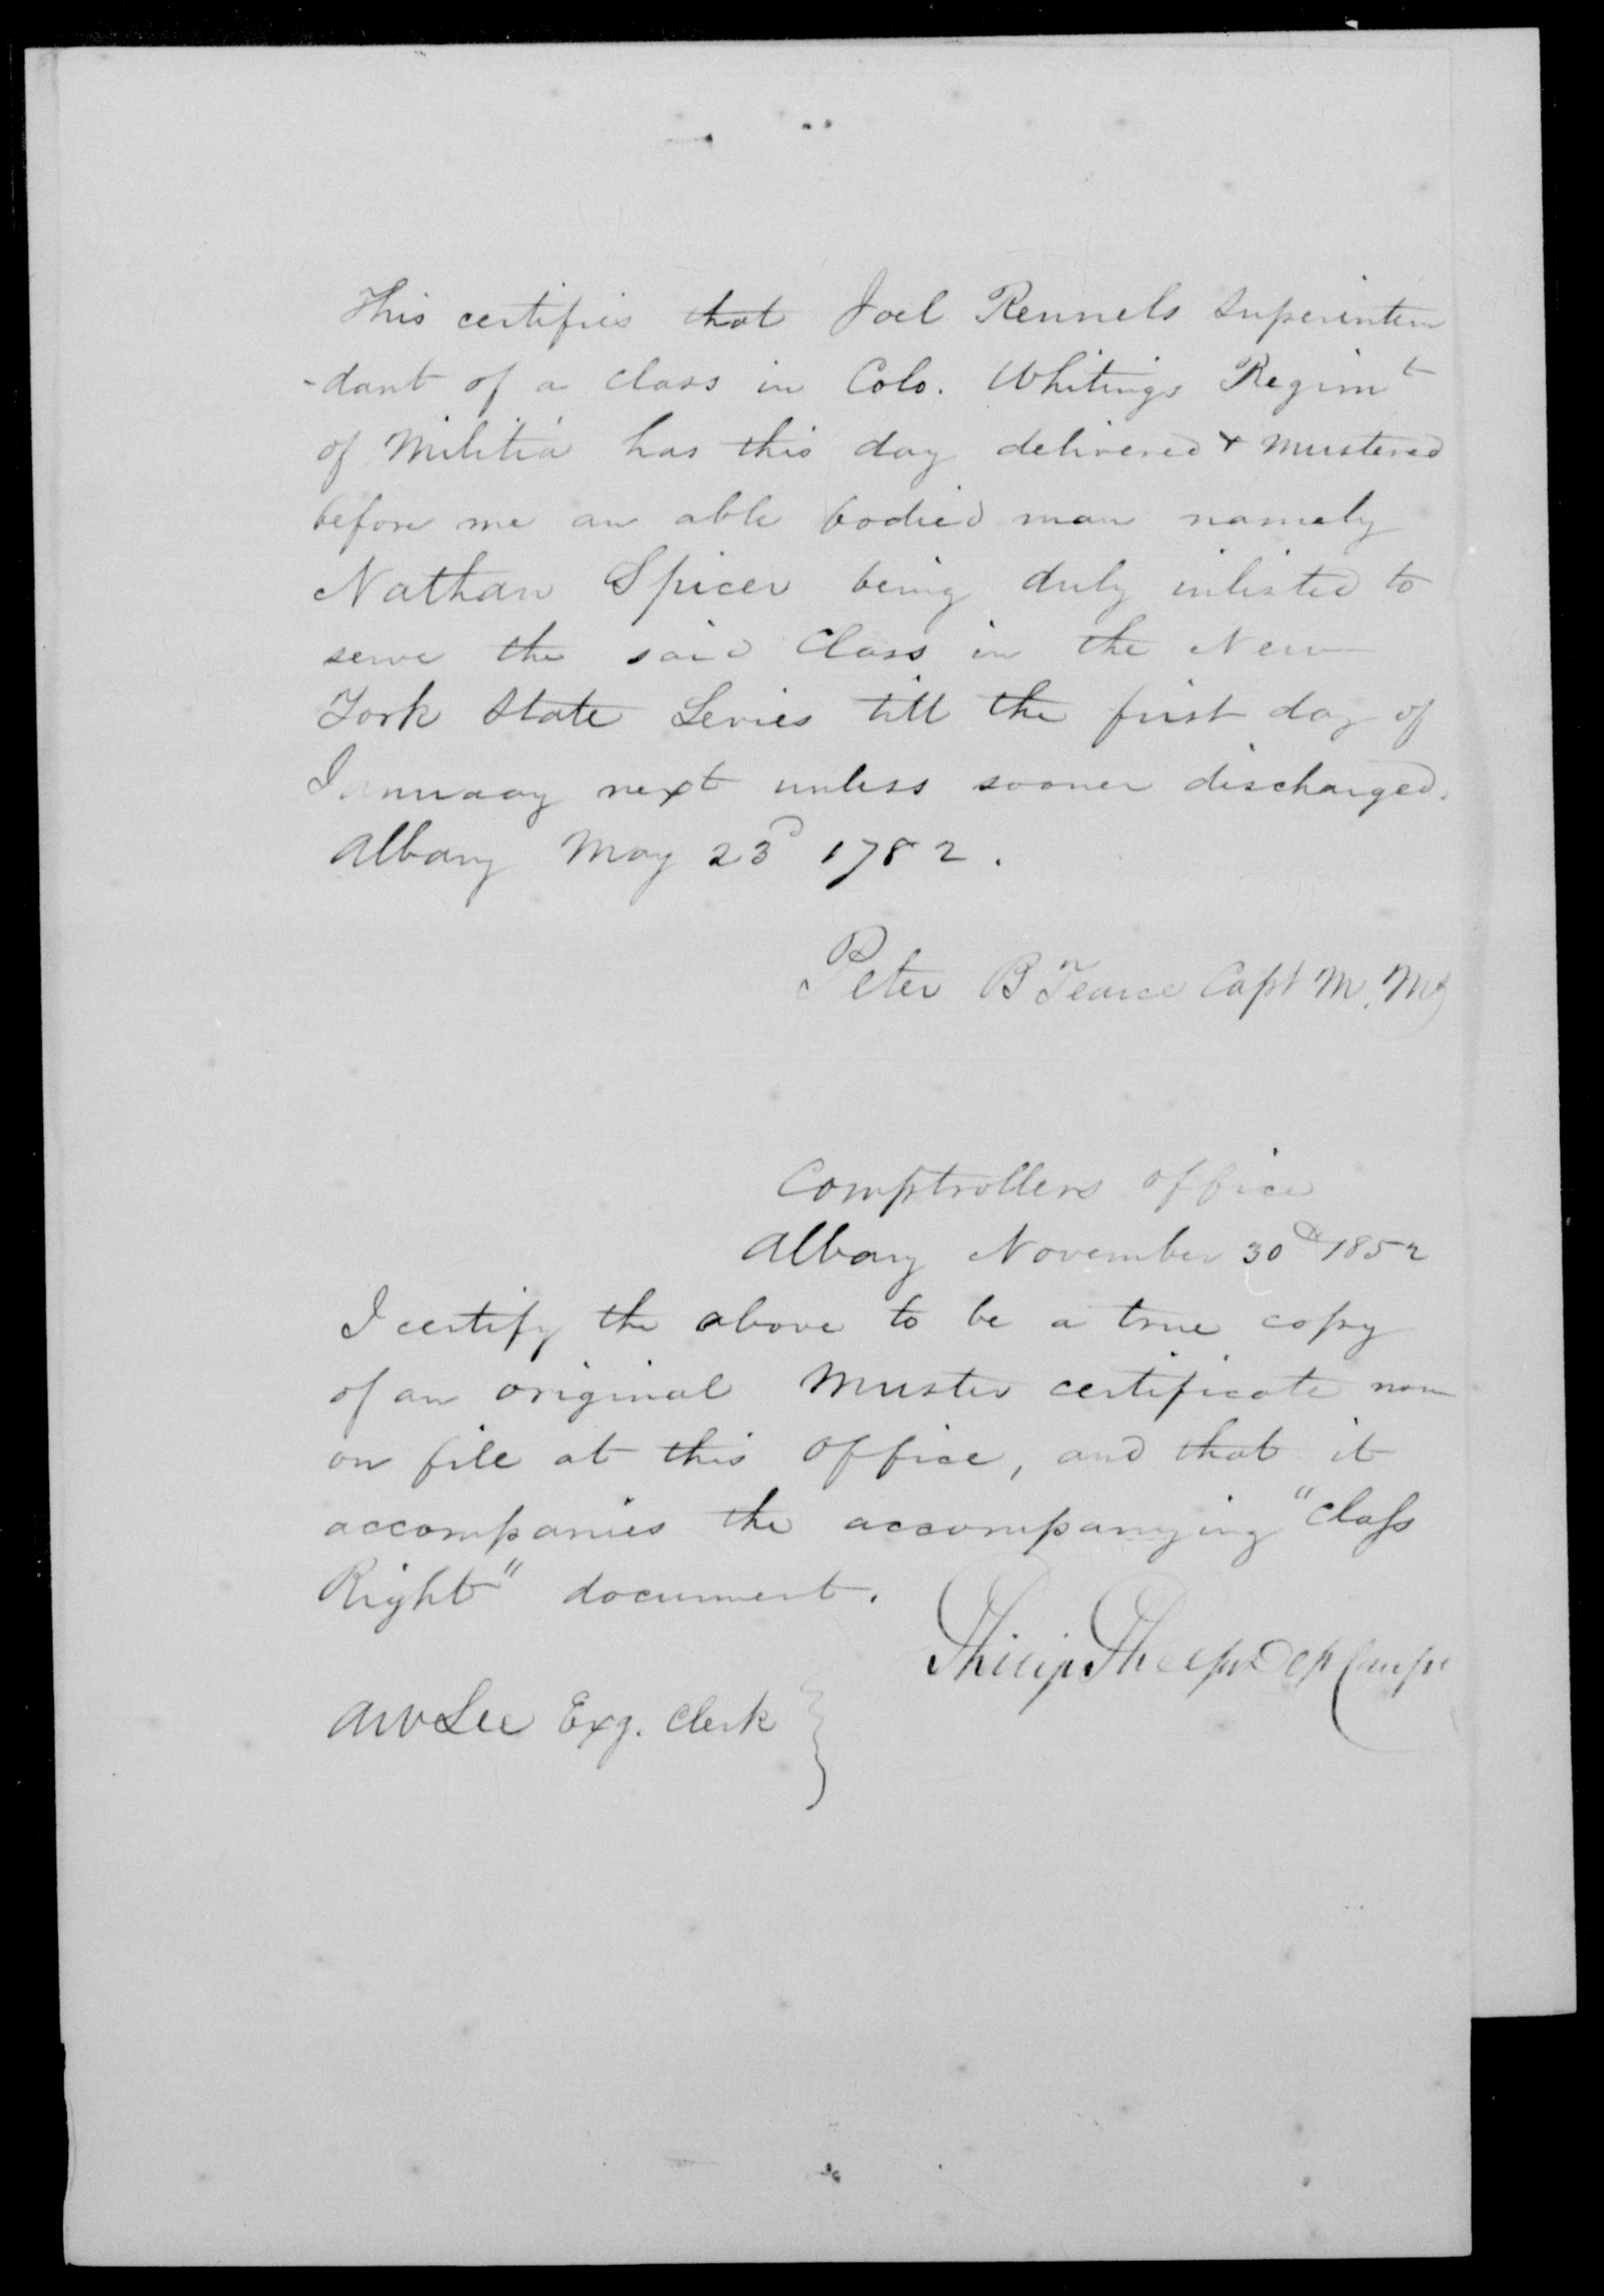This certifies that Joel Rennels superintendant of a class in Colo. Whitings Regiment of Militia has this day delivered & mustered before me an able bodied man namely Nathan Spicer being duly inlisted to serve the said class in the New York State Levies till the first day of January next unless sooner discharged.
Albany May 23d 1782.
Peter B Tearce Capt M. My

Comptrollers office 
Albany November 30th 1852
I certify the above to be a true copy of an original muster certificate now on file at this office, and that it accompanies the accompanying "class Right" document.
Philip Phelps Dep Comp
AW Lee Exg. clerk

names: Peter B Tearce; A W Lee; Philip Phelps; Joel Rennels; Nathan Spicer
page: 20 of 33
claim: rejected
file: R. 5603, for Nathan Spicer, New York